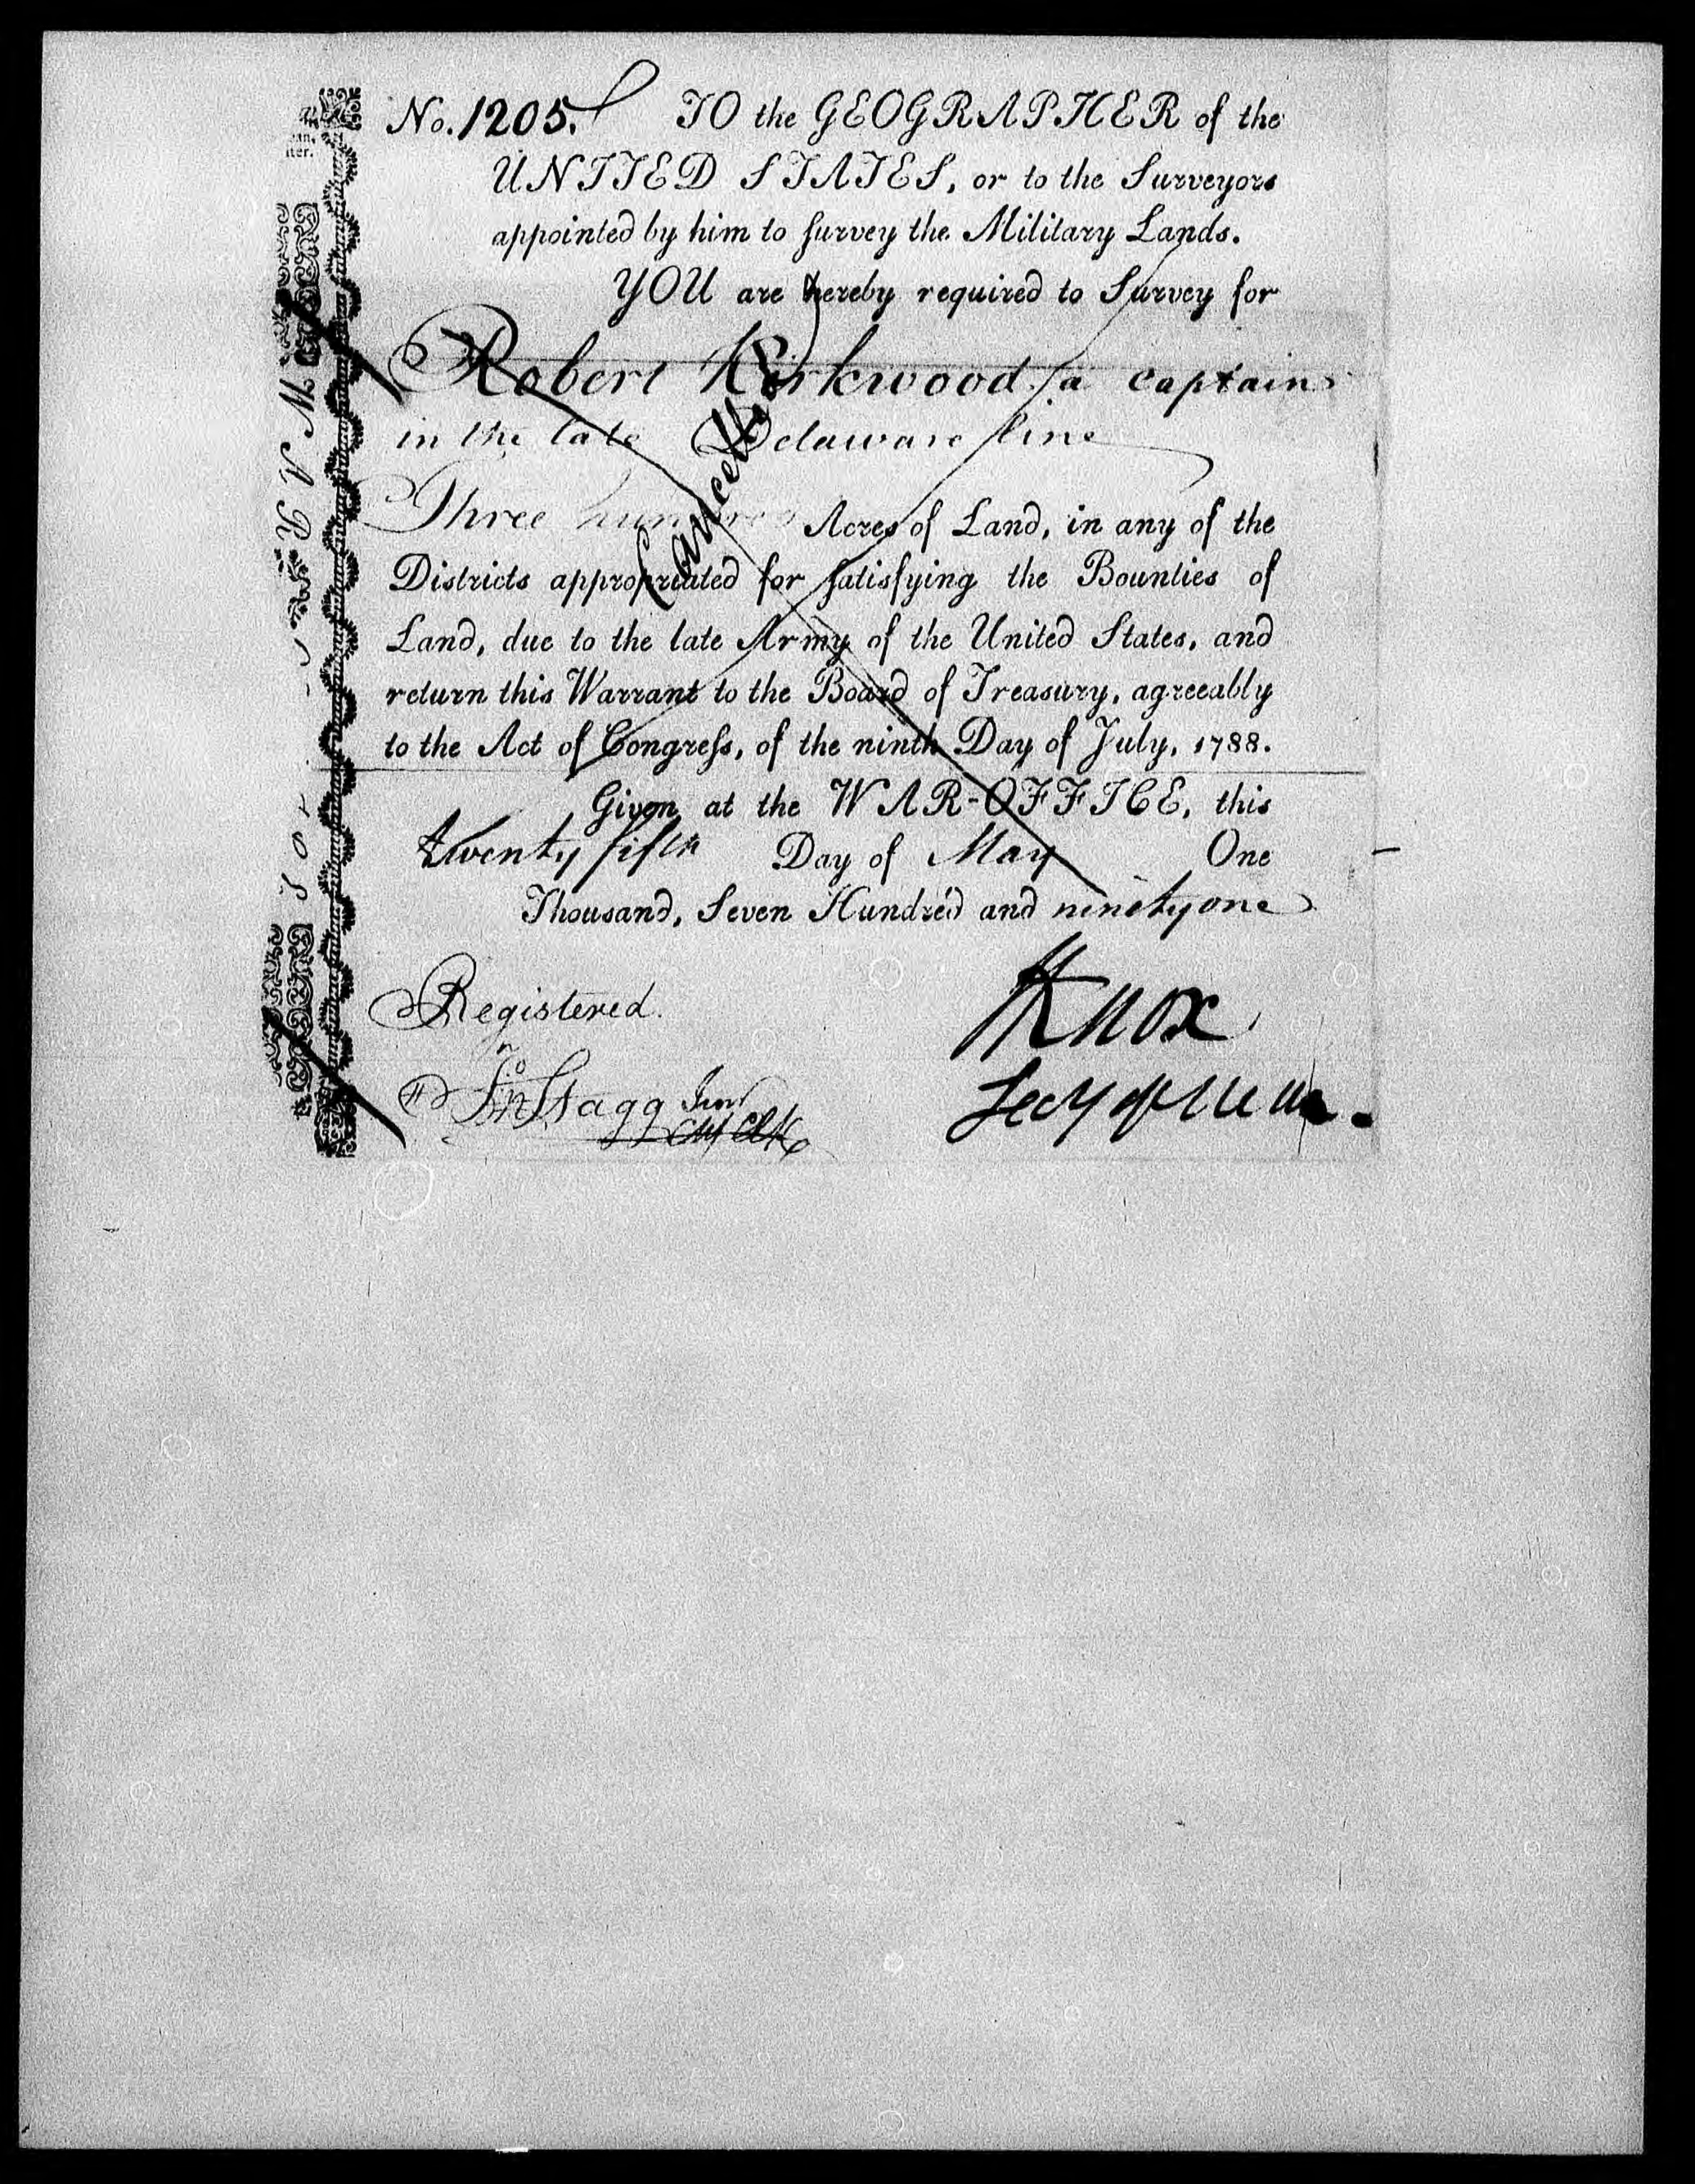[note: page is crossed off - handwritten "cancelled"]
No. 1205 TO the GEOGRAPHER of the
UNITED STATES, or to the Surveyors
appointed by him to survey the Military Lands
You are hereby required to Survey for
Robert Kirkwood, a captain
in the late Delaware line
Three hundred Acres of Land, in any of the
Districts appropriated for Satisfying the Bounties of
Land, due to the late Army of the United States, and
return this Warrant to the Board of Treasury, agreeably
to the Act of Congress, of the ninth Day of July, 1788.
Given at the WAR OFFICE, this
twenty fifth Day of May One
Thousand, Seven Hundred and ninety one
Registered
John Stagg clerk [illegible]
H Knox
Secty of War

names: Robert Kirkwood; J Knox; Jno Stagg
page: 12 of 20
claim: bounty land warrant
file: B. L. Wt. 1102-300, for Robert Kirkwood, Delaware